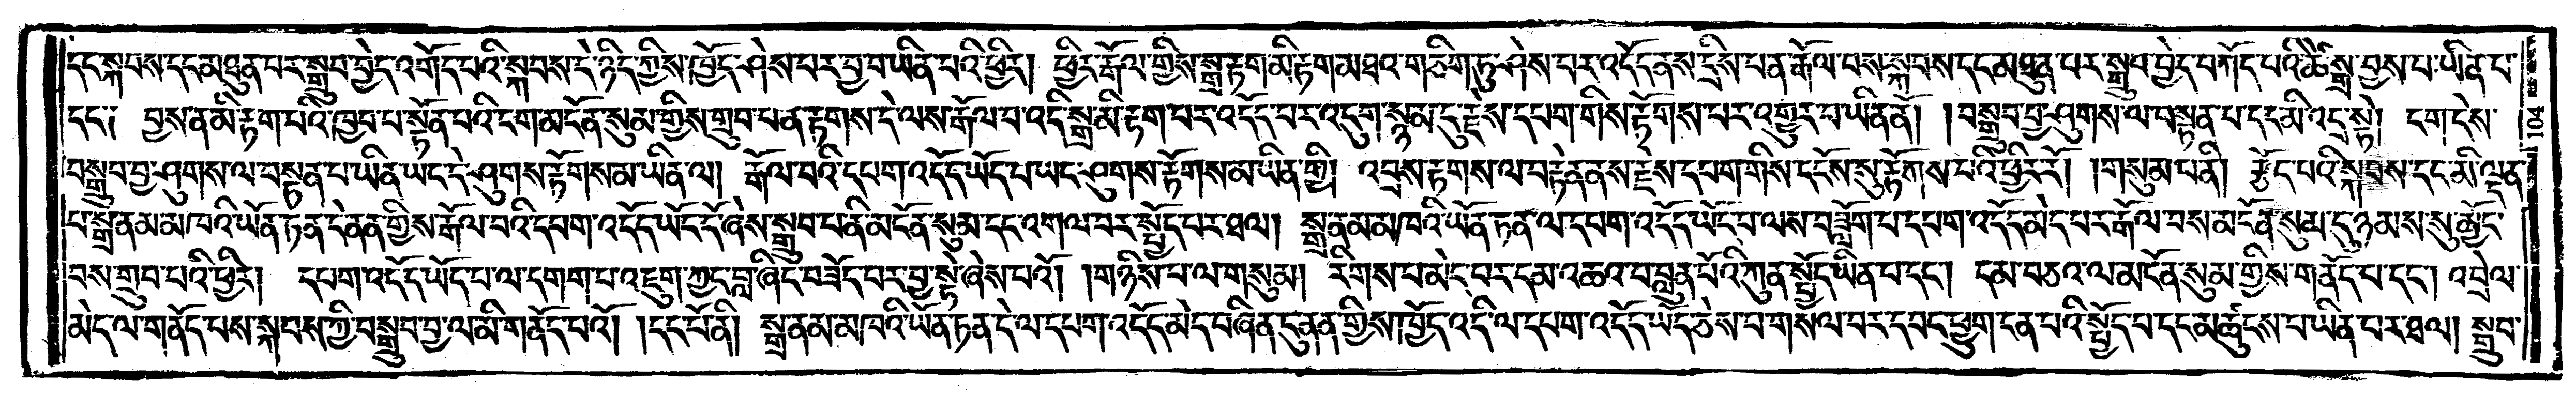དང་སྐབས་དང་མཐུན་པར་སྒྲུབ་བྱེད་འགོད་པའི་སྐབས་དེ་ཉིད་ཀྱིས་ཁྱོད་ཤེས་པར་བྱ་བ་ཡིན་པའི་ཕྱིར། ཕྱིར་རྒོལ་གྱིས་སྒྲ་རྟག་མི་རྟག་མཐའ་གཅིག་ཏུ་ཤེས་པར་འདོད་ནས་དྲིས་པ་ན་རྒོལ་པས་སྐབས་དང་མཐུན་པར་སྒྲུབ་བྱེད་བཀོད་པའི་ཚེ་སྒྲ་བྱས་པ་ཡིན་པ་
དང༑ བྱས་ན་མི་རྟག་པའི་ཁྱབ་པ་སྟོན་པའི་ངག་མངོན་སུམ་གྱིས་གྲུབ་པ་ན་རྟགས་དེ་ལས་རྒོལ་བ་འདི་སྒྲ་མི་རྟག་པར་འདོད་པར་འདུག་སྙམ་དུ་རྗེས་དཔག་གིས་རྟོགས་པར་འགྱུར་བ་ཡིན་ནོ། །བསྒྲུབ་བྱ་ཤུགས་ལ་བསྟན་པ་དང་མི་འདྲ་སྟེ། ངག་ངེས་
བསྒྲུབ་བྱ་ཤུགས་ལ་བསྟན་པ་ཡིན་ཡང་དེ་ཤུགས་རྟོགས་མ་ཡིན་ལ། རྒོལ་བའི་དཔག་འདོད་ཡོད་པ་ཡང་ཤུགས་རྟོགས་མ་ཡིན་གྱི། འབྲས་རྟགས་ལ་བརྟེན་ནས་རྗེས་དཔག་གིས་དངོས་སུ་རྟོགས་པའི་ཕྱིར་རོ། །གསུམ་པ་ནི། རྩོད་པའི་སྐབས་དང་མི་ལྡན་
པ་སྒྲ་ནམ་མཁའི་ཡོན་ཏན་དེ་ནན་གྱིས་རྒོལ་བའི་དཔག་འདོད་ཡོད་དོ་ཞེས་སྒྲུབ་པ་ནི་མངོན་སུམ་དང་འགལ་བར་སྤྱོད་པར་ཐལ། སྒྲ་ནམ་མཁའི་ཡོན་ཏན་ལ་དཔག་འདོད་ཡོད་པ་ལས་བཟློག་པ་དཔག་འདོད་མེད་པར་རྒོལ་པས་མངོན་སུམ་དུ་ཉམས་སུ་མྱོང་
བས་གྲུབ་པའི་ཕྱིར། དཔག་འདོད་ཡོད་པ་ལ་དགག་པ་འཇུག་ཀྱང་བླ་ཞིང་བཟོད་པར་བྱ་སྟེ་ཞེས་པའོ། །གཉིས་པ་ལ་གསུམ། རིགས་པ་མེད་པར་དམ་འཆའ་བ་བླུན་པོའི་ཀུན་སྤྱོད་ཡིན་པ་དང་། དམ་བཅའ་ལ་མངོན་སུམ་གྱིས་གནོད་པ་དང་། འབྲེལ་
མེད་ལ་གནོད་པས་སྐབས་ཀྱི་བསྒྲུབ་བྱ་ལ་མི་གནོད་པའོ། །དང་པོ་ནི། སྒྲ་ནམ་མཁའི་ཡོན་ཏན་དེ་ལ་དཔག་འདོད་མེད་བཞིན་དུ་ནན་གྱིས་ཁྱོད་འདི་ལ་དཔག་འདོད་ཡོད་ཅེས་པ་གསལ་བར་དབང་ཕྱུག་ངན་པའི་སྤྱོད་པ་དང་མཚུངས་པ་ཡིན་པར་ཐལ། སྒྲུབ་